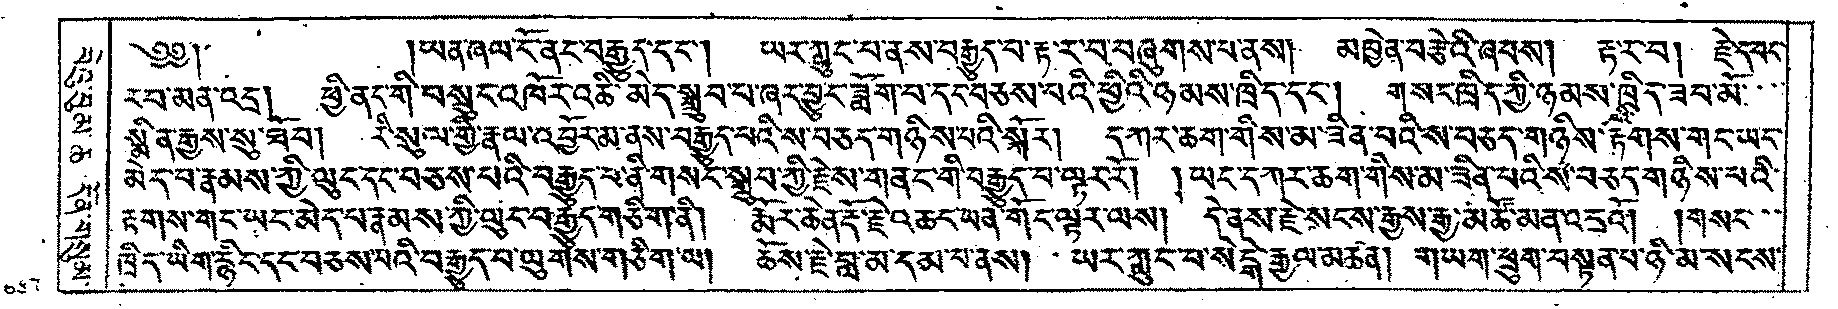༄༅། །ཡན་ཞལ་ངོ་ནང་བརྒྱུད་དང་། ཡར་ཀླུང་པ་ནས་བརྒྱུད་པ་རྟ་ར་བ་བཞུགས་པ་ནས། མཁྱེན་བརྩེའི་ཞབས། རྟ་ར་བ། རྗེ་དབང་
རབ་མན་འདྲ། ཕྱི་ནང་གི་བསྲུང་འཁོར་འཆི་མེད་སྒྲུབ་པ་ཞར་བྱུང་ཟློག་པ་དང་བཅས་པའི་ཕྱིའི་ཉམས་ཁྲིད་དང་། གསང་ཁྲིད་ཀྱི་ཉམས་ཁྲིད་ཟབ་མོ་
སྨིན་རྒྱས་སུ་ཐོབ། རི་སུལ་གྱི་རྣལ་འབྱོར་མ་ནས་བརྒྱུད་པའི་ས་བཅད་གཉིས་པའི་སྐོར། དཀར་ཆག་གིས་མ་ཟིན་པའི་ས་བཅད་གཉིས་པའི་རྟགས་གང་ཡང་
མེད་པ་རྣམས་ཀྱི་ལུང་དང་བཅས་པའི་བརྒྱུད་པ་ནི་གསང་སྒྲུབ་ཀྱི་རྗེས་གནང་གི་བརྒྱུད་པ་ལྟར་རོ། །ཡང་དཀར་ཆག་གིས་མ་ཟིན་པའི་ས་བཅད་གཉིས་པའི་
རྟགས་གང་ཡང་མེད་པ་རྣམས་ཀྱི་ལུང་བརྒྱུད་གཅིག་ནི། རྨོར་ཆེན་རྡོ་རྗེ་འཆང་ཡན་གོང་ལྟར་ལས། དེ་ནས་རྗེ་སངས་རྒྱས་རྒྱ་མཚོ་མན་འདྲའོ། །གསང་
ཁྲིད་ཡིག་རྙིང་དང་བཅས་པའི་བརྒྱུད་པ་ལུགས་གཅིག་ལ། ཆོས་རྗེ་བླ་མ་དམ་པ་ནས། ཡར་ཀླུང་པ་སེངྒེ་རྒྱལ་མཚན། གཡག་ཕྲུག་བསྟན་པ་ཉི་མ་སངས་